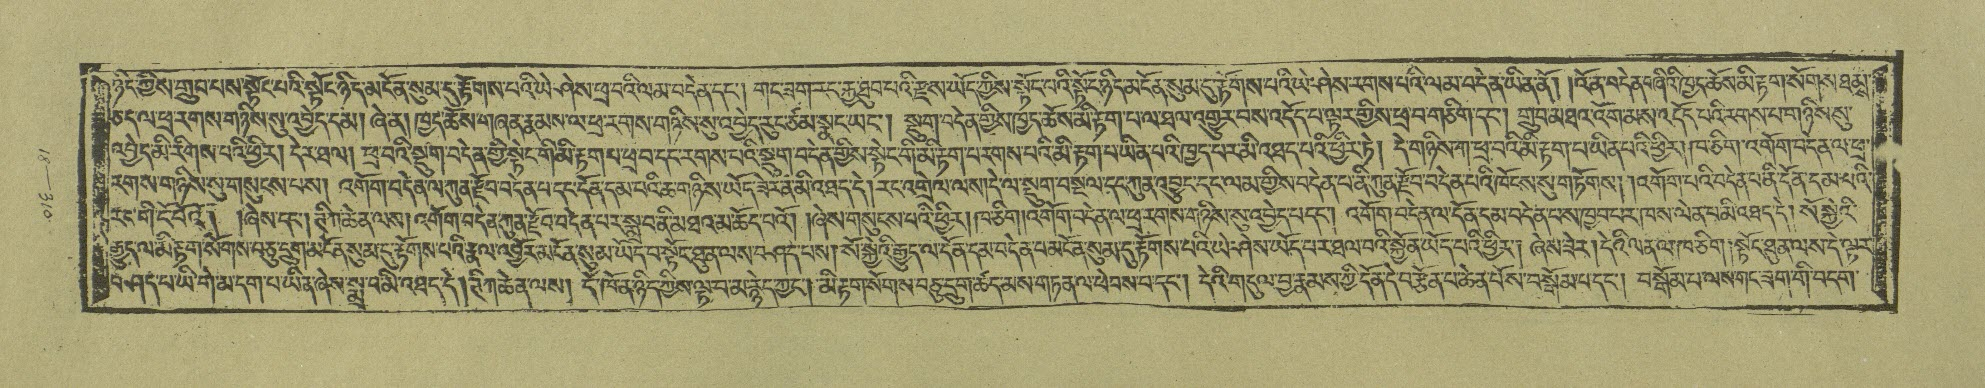ཉིད་ཀྱིས་གྲུབ་པས་སྟོང་པའི་སྟོང་ཉིད་མངོན་སུམ་དུ་རྟོགས་པའི་ཡེ་ཤེས་ཕྲ་བའི་ལམ་བདེན་དང་། གང་ཟག་རང་རྐྱ་ཐུབ་པའི་རྫས་ཡོད་ཀྱིས་སྟོང་བའི་སྟོང་ཉིད་མངོན་སུམ་དུ་རྟོགས་པའི་ཡེ་ཤེས་རགས་པའི་ལམ་བདེན་ཡིན་ནོ། །འོ་ན་བདེན་བཞིའི་ཁྱད་ཆོས་མི་རྟག་སོགས་ཐམས་
ཅད་ལ་ཕྲ་རགས་གཉིས་སུ་འབྱེད་དམ། ཞེ་ན། ཁྱད་ཆོས་གཞན་རྣམས་ལ་ཕྲ་རགས་གཉིས་སུ་འབྱེད་རུང་ཙམ་སྣང་ཡང་། སྡུག་བདེན་གྱིས་ཁྱད་ཆོས་མི་རྟག་པ་ལ་ཐལ་འགྱུར་པས་འདོད་པ་ལྟར་གྱིས་ཕྲ་བ་གཅིག་དང་། གྲུབ་མཐའ་འོག་མས་འདོད་པའི་རགས་པ་གཉིས་སུ་
འབྱེད་མི་རིགས་པའི་ཕྱིར། དེར་ཐལ། ཕྲ་བའི་སྡུག་བདེན་གྱི་སྟེང་གི་མི་རྟག་པ་ཕྲ་བ་དང་རགས་པའི་སྡུག་བདེན་གྱི་སྟེང་གི་མི་རྟག་པ་རགས་པའི་མི་རྟག་པ་ཡིན་པའི་ཁྱད་པར་མི་འཐད་པའི་ཕྱིར་ཏེ། དེ་གཉིས་ཀ་ཕྲ་བའི་མི་རྟག་པ་ཡིན་པའི་ཕྱིར། ཁ་ཅིག་འགོག་བདེན་ལ་ཕྲ་
རགས་གཉིས་སུ་གསུངས་པས། འགོག་བདེན་ལ་ཀུན་རྫོབ་བདེན་པ་དང་དོན་དམ་པའི་ཆ་གཉིས་ཡོད་ཟེར་ན་མི་འཐད་ཨེ། རང་འགྲེལ་ལས། དེ་ལ་སྡུག་བསྔལ་དང་ཀུན་འབྱུང་དང་ལམ་གྱིས་བདེན་པ་ནི་ཀུན་རྫོབ་བདེན་པའི་ཁོངས་སུ་གཏོགས། །འགོག་པའི་བདེན་པ་ནི་དོན་དམ་པའི་
རང་གི་ངོ་བོའོ། །ཞེས་དང་། ཊིཀ་ཆེན་ལས། འགོག་བདེན་ཀུན་རྫོབ་བདེན་པར་སྨྲ་བ་ནི་མཐའ་མཆོད་པའོ། །ཞེས་གསུངས་པའི་ཕྱིར། ཁ་ཅིག །འགོག་བདེན་ལ་ཕྲ་རགས་གཉིས་སུ་འབྱེད་པ་དང་། འགོག་བདེན་ལ་དོན་དམ་བདེན་པས་ཁྱབ་པར་ཁས་ལེན་པ་མི་འཐད་དེ། སོ་སྐྱེའི་
རྒྱུད་ལ་མི་རྟག་སོགས་བཅུ་དྲུག་མངོན་སུམ་དུ་རྟོགས་པའི་རྣལ་འབྱོར་མངོན་སུམ་ཡོད་པ་སྟོང་ཐུན་ལས་བཤད་པས། སོ་སྐྱེའི་རྒྱུད་ལ་དོན་དམ་བདེན་པ་མངོན་སུམ་དུ་རྟོགས་པའི་ཡེ་ཤེས་ཡོད་པར་ཐལ་བའི་སྐྱོན་ཡོད་པའི་ཕྱིར། ཞེས་ཟེར། དེའི་ལན་ལ་ཁ་ཅིག །སྟོང་ཐུན་ལས་དེ་ལྟར་
བཤད་པ་ཡི་གེ་མ་དག་པ་ཡིན་ཞེས་སྨྲ་བ་མི་འཐད་དེ། ཊིཀ་ཆེན་ལས། དེ་ཁོ་ན་ཉིད་ཀྱིས་ལྟ་བ་མ་རྙེད་ཀྱང་། མི་རྟག་སོགས་བཅུ་དྲུག་ཚད་མས་གཏན་ལ་ཕེབས་པ་དང་། དེའི་གདུལ་བྱ་རྣམས་ཀྱི་དོན་དེ་བརྩོན་པ་ཆེན་པོས་བསྒོམ་པ་དང་། བསྒོམ་པ་ལས་གང་ཟག་གི་བདག་